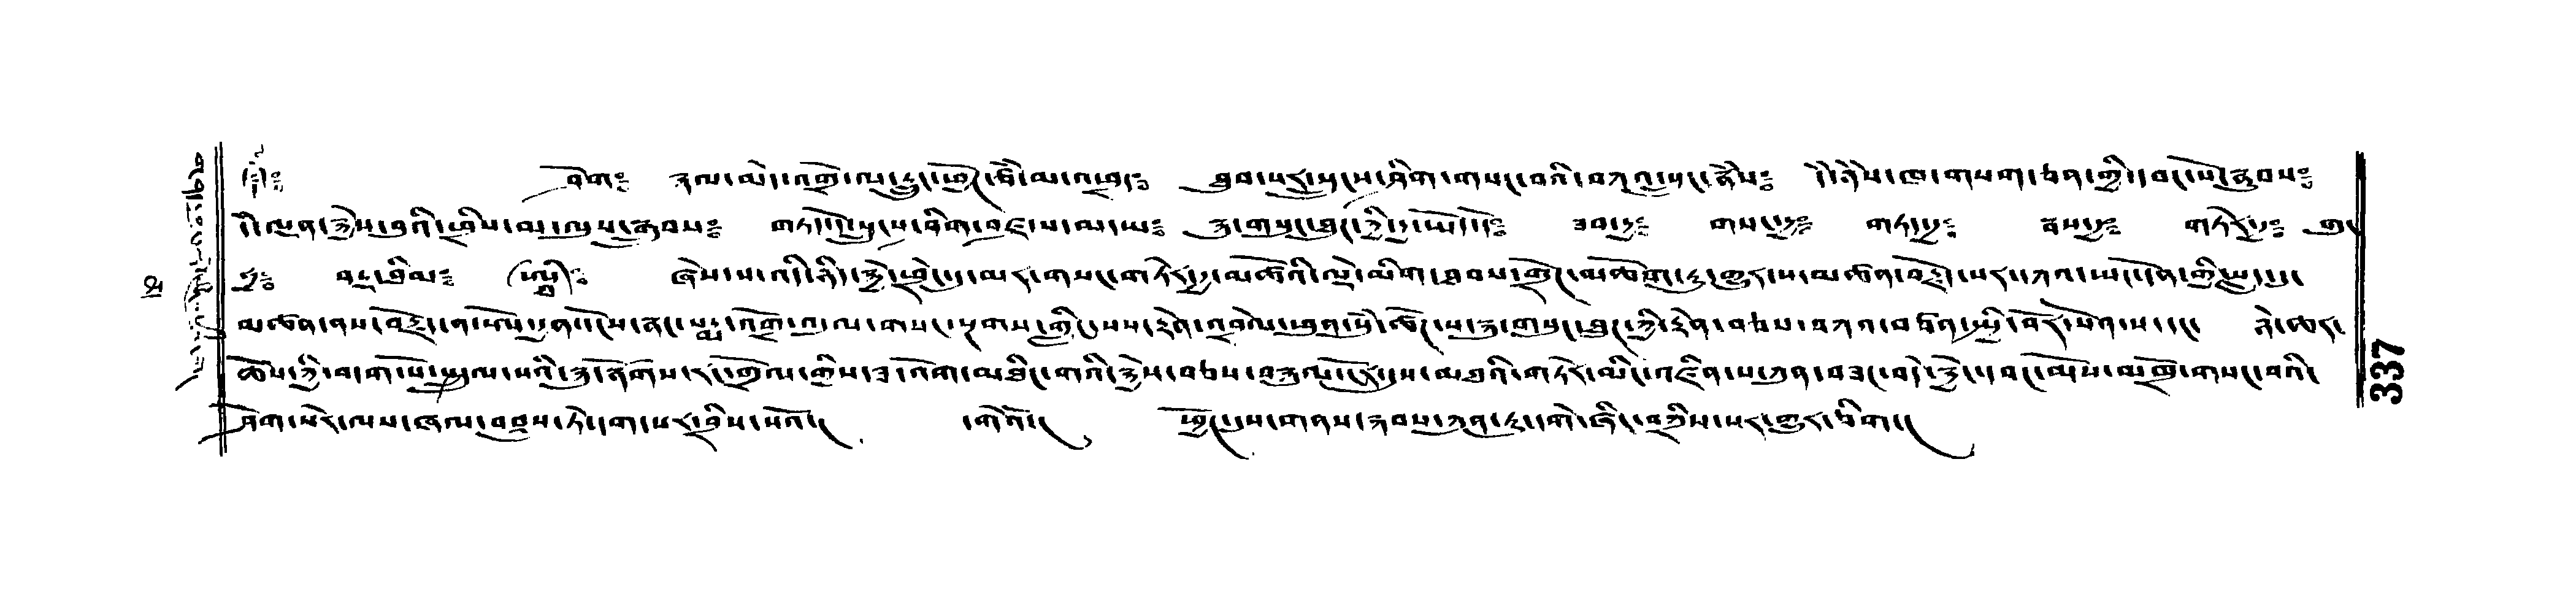ཤོག༔ སྐལ་མེད་འགྲོ་ལ་རླུང་ཕྱོགས་ཙམ་མ་འཕྲད༔ ཐུབ་པར་སྲུངས་ཤིག་གསང་བའི་བཀའ་སྲུང་རྣམས༔ དམ་ཉམས་ཁ་གསག་ཅན་གྱི་དབང་པོ་སྣུབས༔ དམ་ལྡན་སྐྱེས་བུའི་ཕྲིན་ལས་མ་ལུས་སྒྲུབས༔ 
གཏད་དོ་སྲུངས་ཤིག་བཛྲ་ས་མ་ཡ༔ སྐུ་གསུང་ཐུགས་ཀྱི་རྒྱ་ཡོད་དོ༔ ཟབ་རྒྱ༔ གསང་རྒྱ༔ གཏད་རྒྱ༔ སྦས་རྒྱ༔ གཏེར་རྒྱ༔ གུ་
ཧྱ༔ བརྡ་ཐིམ༔ ༔ ཞེས་པ་འདི་ཉིད་སྐྱེ་ཕྲེང་དུ་མར་གསང་གཏེར་རྒྱ་མཚོའི་ལྡེ་མིག་ཐབས་གྲོགས་མཆོག་ཏུ་གྱུར་པ་མཚན་བརྗོད་པར་དཀའ་ཡང་དོན་གྱི་སླད་དུ་
མཚན་ནས་བརྗོད་ན་ཨོ་རྒྱན་ངོས་སྣང་པདྨ་འགྲོ་འདུལ་གསང་སྔགས་གླིང་པས་རྟེན་འབྲེལ་ཕུན་སུམ་ཚོགས་པ་སྐུ་གསུང་ཐུགས་ཀྱི་རྟེན་བཅས་བཀའ་བཙན་སྤྱི་བོར་སོན་པ་དང་། ཉེ་ཆར་
ཆོས་ཀྱི་བདག་པོ་སྤྲུལ་པའི་སྐུ་སྣ་ཚོགས་རང་གྲོལ་གྱིས་ཟ་འོག་མཐིང་གའི་སྐྱེས་བཅས་བསྐུལ་ངོར་དུས་མཐའི་གཏེར་མིང་འཛིན་པ་ཀུན་བཟང་བདེ་སྐྱོང་དབང་མོས་མཁའ་འགྲོ་གསང་བའི་
ཤོག་སེར་ལས་ཞལ་བཤུས་ཏེ་དག་པར་བྲིས་པའོ།། ཕྱོགས་དུས་གནས་སྐབས་ཀུན་ཏུ་དགེ་ཞིང་བཀྲ་ཤིས་པར་གྱུར་ཅིག །།